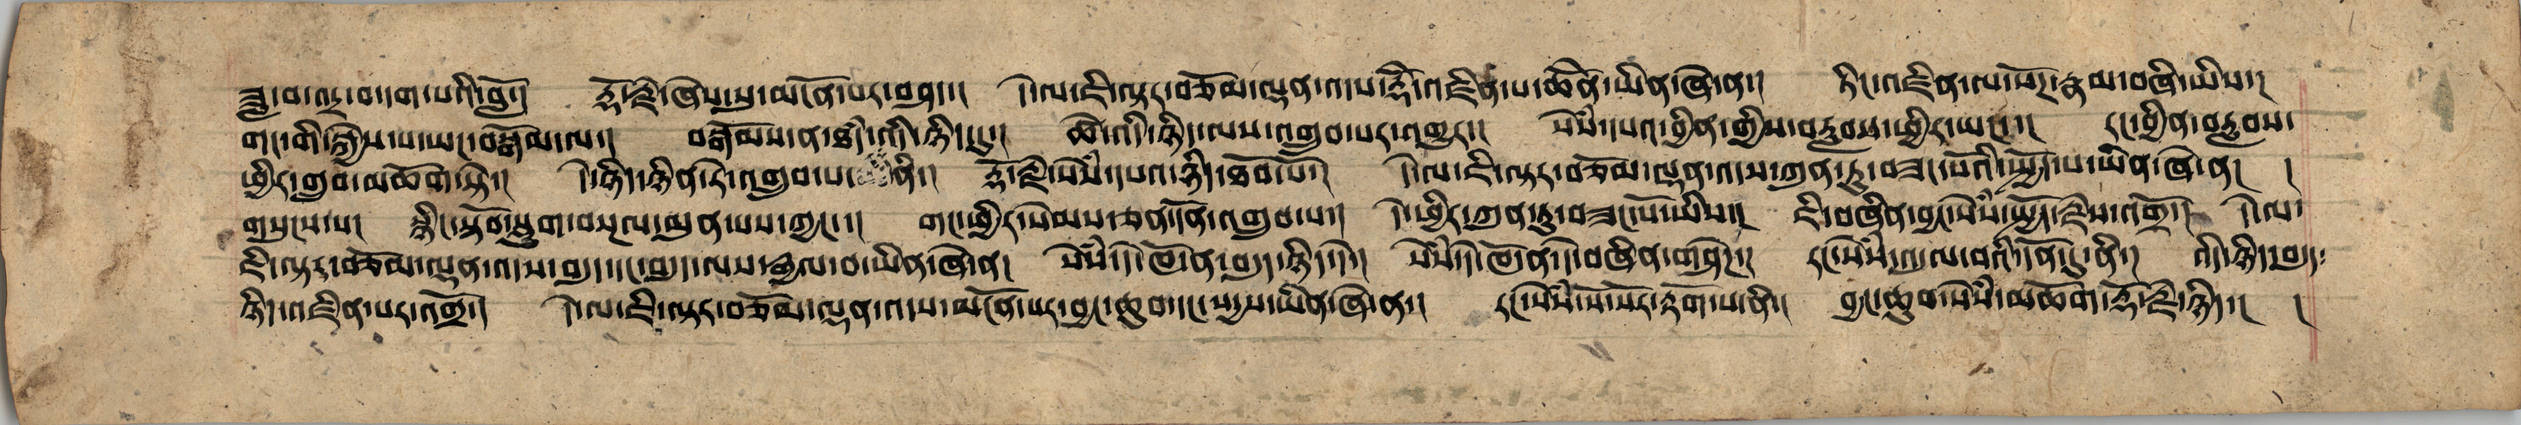ཟླ་བ་འདྲ་བ་དག་པའི་བློ་། རྡོ་རྗེ་ཞེས་སུ་མངོན་པར་བཤད་། དེ་ལ་ཇི་ལྟར་བཅོམ་ལྡན་འདས་རྡོེ་འཛིན་པ་ཆེནོ་ཡིན་ཞེ་ན་། ཏིང་འཛིན་ལ་སོཌ་རྣམ་བཞི་ཡིས་།
གངགི་སྐྱེས་པ་ཡང་བསྒོམ་ལ་། བསྒོམས་ན་ཐཾད་འདི་ཉིད་དུ་། ཚེ་འདི་ཉིདལས་འགྲུབ་པར་འགྱུར་། སེཾས་དཔའ་བྱིན་གྱིས་བརླབས་ཕྱིར་ཡང་་། རང་བྱིན་བརླབས་
ཕྱིར་གྲུབ་མཆོག་སྟེ་། དེ་ཉིད་ཉིན་རེ་འགྲུབ་པ་ ནི་། རྡོ་རྗེ་སེཾས་དཔའ་ཉིད་ཐོབ་སོ་། དེ་ལ་ཇི་ལྟར་བཅོམ་ལྡན་འདས་ཀུན་ཏུ་བཟང་པོའི་སྤྱོད་པ་ཡིན་ཞེ་ན་།
གསུངས་པ། སྙིང་སྟོབ་སྡུག་བསྔལ་མུན་པས་ཀྱང་་། གང་ཕྱིར་སེམས་ཅན་དོན་འགྲུབ་པ་། དེ་ཕྱིར་ཀུན་ཏུ་བཟང་པོ་ཡིས་། ཇི་བཞིན་བྱང་སེཾས་སྤྱོད་རྗེས་འགྲོ་། དེ་ལ་
ཇི་ལྟར་བཅོམ་ལྡན་འདས་བདུད་དང་བདུད་ལས་རྒྱལ་བ་ཡིན་ཞེ་ན་། སེཾས་དེ་ཁོ་ན་བདུད་ཉིད་དེ་། སེཾས་དེ་ཁོ་ན་དེ་བཞིན་གཤེཌ་། རང་སེཾས་འདུལ་བའི་དོན་དུ་ནི་། འདི་ཉིད་བདུད་
ཉིད་འཛིན་པར་འགྲོ་། དེ་ལ་ཇི་ལྟར་བཅོམ་ལྡན་འདས་མངོན་པར་བྱང་ཆུབ་དང་སདྱས་ཡིན་ཞེ་ན་། རང་སེཾས་སོ་སོར་རྟོག་པ་ནི་། བྱང་ཆུབ་སེཾས་མཆོག་རྡོ་རྗེ་ཉིད་།